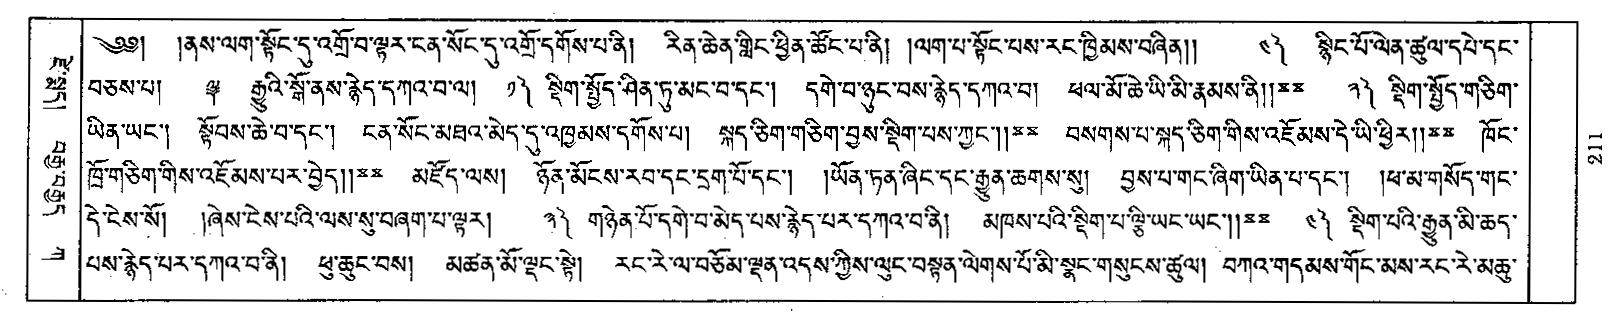༄༅། །ནས་ལག་སྟོང་དུ་འགྲོ་བ་ལྟར་ངན་སོང་དུ་འགྲོ་དགོས་པ་ནི། རིན་ཆེན་གླིང་ཕྱིན་ཚོང་པ་ནི། །ལག་པ་སྟོང་པས་རང་ཁྱིམས་བཞིན།། ༤?་སྙིང་པོ་ལེན་ཚུལ་དཔེ་དང་
བཅས་པ། ༈ རྒྱུའི་སྒོ་ནས་རྙེད་དཀའ་བ་ལ། ༡?་སྡིག་སྤྱོད་ཤིན་ཏུ་མང་བ་དང་། དགེ་བ་ཉུང་བས་རྙེད་དཀའ་བ། ཕལ་མོ་ཆེ་ཡི་མི་རྣམས་ནི།། ༢?་སྡིག་སྤྱོད་གཅིག་
ཡིན་ཡང་། སྟོབས་ཆེ་བ་དང་། ངན་སོང་མཐའ་མེད་དུ་འཁྱམས་དགོས་པ། སྐད་ཅིག་གཅིག་བྱས་སྡིག་པས་ཀྱང།། ྾྾་བསགས་པ་སྐད་ཅིག་གིས་འཇོམས་དེ་ཡི་ཕྱིར།། ཁོང་
ཁྲོ་གཅིག་གིས་འཇོམས་པར་བྱེད།། མཛོད་ལས། ཉོན་མོངས་རབ་དང་དྲག་པོ་དང་། །ཡོན་ཏན་ཞིང་དང་རྒྱུན་ཆགས་སུ། བྱས་པ་གང་ཞིག་ཡིན་པ་དང་། །ཕ་མ་གསོད་གང་
དེ་ངེས་སོ། །ཞེས་ངེས་པའི་ལས་སུ་བཞག་པ་ལྟར། ༣?་གཉེན་པོ་དགེ་བ་མེད་པས་རྙེད་པར་དཀའ་བ་ནི། མཁས་པའི་སྡིག་པ་ལྕི་ཡང་ཡང།། ྾྾ ༤?་སྡིག་པའི་རྒྱུན་མི་ཆད་
པས་རྙེད་པར་དཀའ་བ་ནི། ཕུ་ཆུང་བས། མཚན་མོ་ལྡང་སྟེ། རང་རེ་ལ་བཅོམ་ལྡན་འདས་ཀྱིས་ལུང་བསྟན་ལེགས་པོ་མི་སྣང་གསུངས་ཚུལ། བཀའ་གདམས་གོང་མས་རང་རེ་མཆུ་